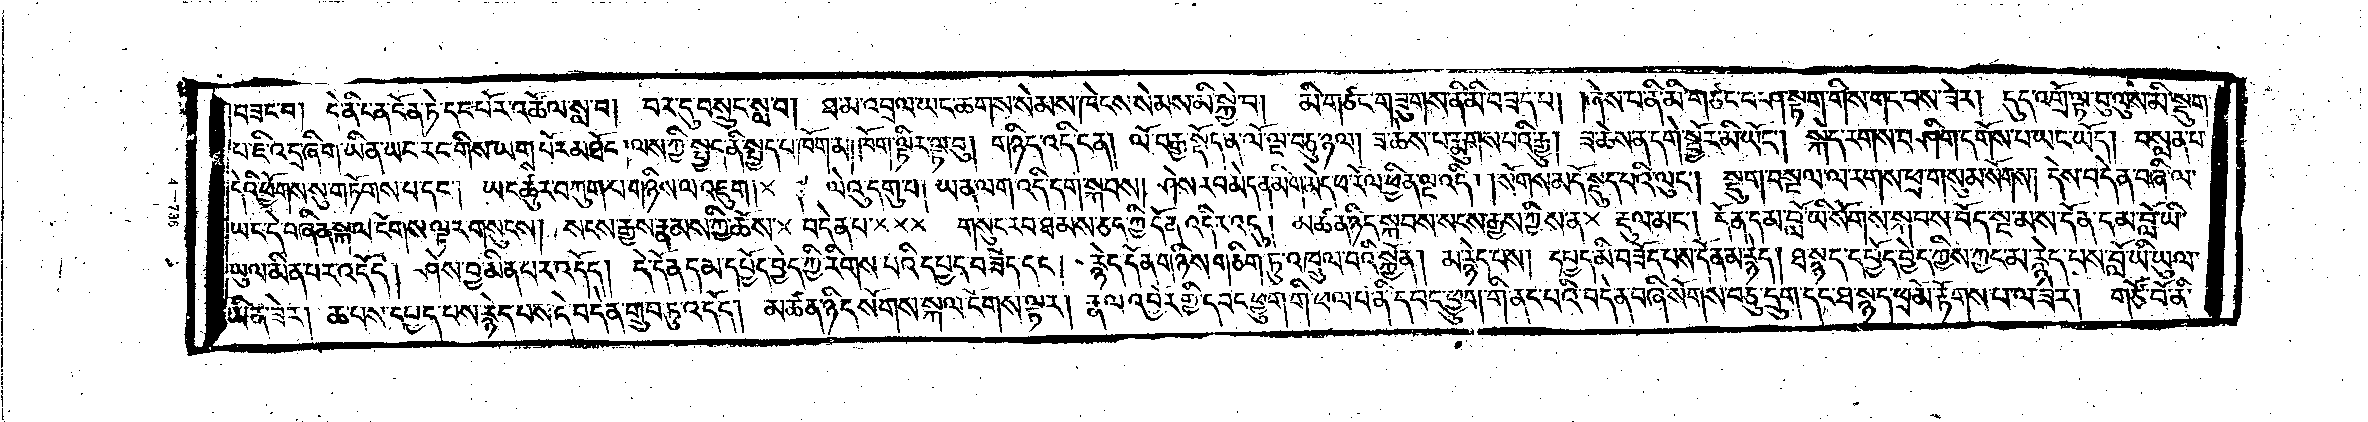བཟང་བ། དེ་ནི་ངན་དོན་ཏེ་དད་པོར་འཚོལ་སླ་བ། བར་དུ་བསྲུང་སླ་བ། ཐ་མ་འབྲལ་ཡང་ཆགས་སེམས་ཁེངས་སེམས་མི་སྐྱེ་བ། མི་གཙང་གཟུགས་ནི་མི་བཟད་པ། །ཞེས་པ་ནི་མི་གཙང་བ་ཤ་སྟག་གིས་གང་བས་ཟེར། དུད་འགྲོ་ལྟ་བུ་ལུས་མི་སྡུག་
པ་ཇི་འདྲ་ཞིག་ཡིན་ཡང་རང་གིས་ཡགས་པོར་མཐོང་།ལས་ཀྱི་སྤྱད་ནི་སྤྱད་པ་ཁོག་མ། ཁོག་ལྟིར་ལྟ་བུ། གཉིད་འདི་ངན། ལོ་བརྒྱ་སྡོད་ན་ལོ་ལྔ་བཅུ་ཉལ། ཟ་ཆེས་པ་རྨུགས་པའི་རྒྱུ། ཟ་ཆེས་ན་དགེ་སྦྱོར་མི་ཡོང་། སྐེད་རགས་བཤིག་དགོས་པ་ཡང་ཡོད། བསླན་པ་
དེའི་ཕྱོགས་སུ་གཏོགས་པ་དང་། ཡང་ཚུར་བཀུག་པ་གཉིས་ལ་འཇུག། ྾་༈ ལེའུ་དགུ་པ། ཡན་ལག་འདི་དག་སྐབས། ཤེས་རབ་མེད་ན་མིག་མེད་ཕ་རོལ་ཕྱིན་ལྔ་འདི། །སོགས་མདོ་སྡུད་པའི་ལུང་། སྡུག་བསྔལ་ལ་རགས་ཕྲ་གསུམ་སོགས། དེས་བདེན་བཞི་ལ་
ཡང་དེ་བཞིན་སྐལ་ངོགས་ལྟར་གསུངས། སངས་རྒྱས་རྣམས་ཀྱི་ཆོས་྾་བདེན་པ་྾་྾་྾་གསུང་རབ་ཐམས་ཅད་ཀྱི་དོན་འདིར་འདུ། མཚན་ཉིད་སྐབས་སངས་རྒྱས་ཀྱིས་ན་྾་རུལ་མང་། དོན་དམ་བློ་ཡི་སོགས་སྐབས་བོད་སྔ་མས་དོན་དམ་བློ་ཡི་
ཡུལ་མིན་པར་འདོད། ཤེས་བྱ་མིན་པར་འདོད། དེ་དོན་དམ་དཔྱོད་བྱེད་ཀྱི་རིགས་པའི་དཔྱད་བཟེད་དང་། རྙེད་དོན་གཉིས་གཅིག་ཏུ་འཁྲུལ་བའི་སྐྱོན། མ་རྙེད་པས། དཔྱད་མི་བཟོད་པས་དོན་མ་རྙེད། ཐ་སྙད་དཔྱོད་བྱེད་ཀྱིས་ཀྱང་མ་རྙེད་པས་བློ་ཡི་ཡུལ་
ཡིན་ཟེར། ཆ་པས་དཔྱད་པས་རྙེད་པས་དེ་བདེན་གྲུབ་ཏུ་འདོད། མཚན་ཉིད་སོགས་སྐལ་ངོགས་ལྟར། རྣལ་འབྱོར་གྱི་དབང་ཕྱུག་གི་ཕལ་པ་ནི་དབང་ཕྱུག་གི་ནང་པའི་བདེན་བཞི་སོགས་བཅུ་དྲུག་དང་ཐ་སྙད་ཕྲ་མོ་རྟོགས་པ་ལ་ཟེར། གཙོ་བོ་ནི་